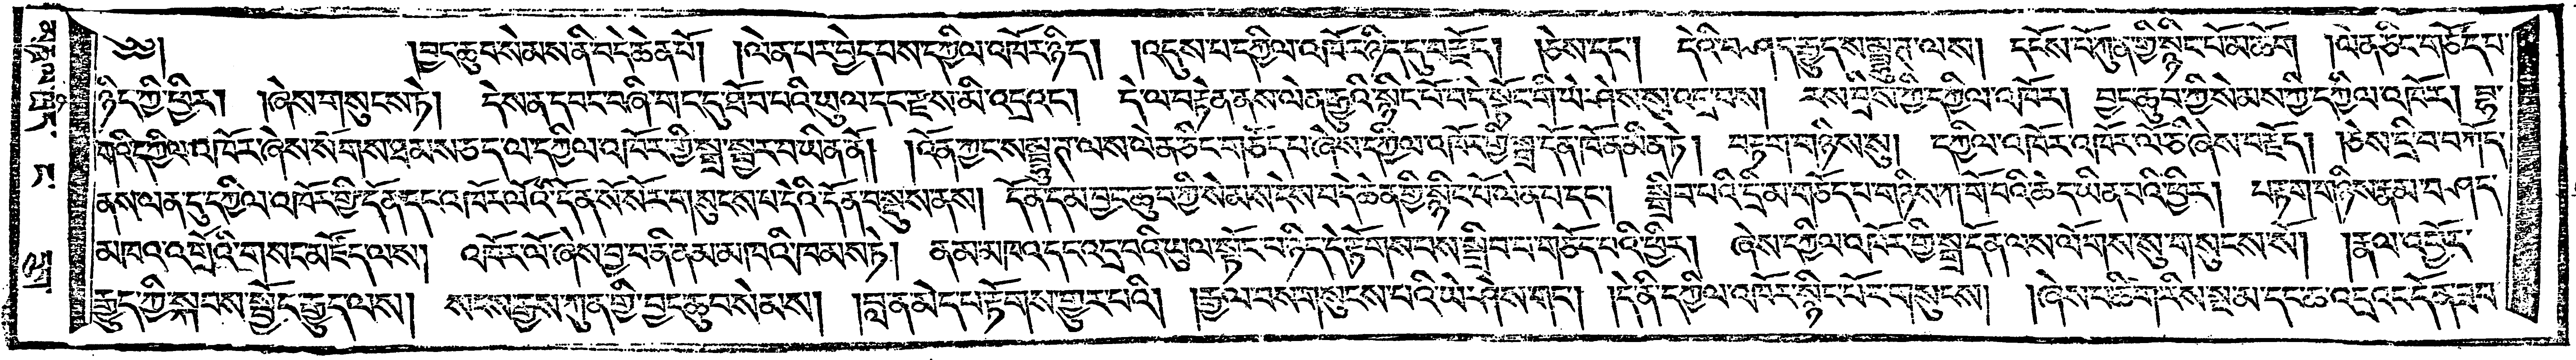༄༅། །བྱང་ཆུབ་སེམས་ནི་བདེ་ཆེན་པོ། །ལེན་པར་བྱེད་པས་དཀྱིལ་འཁོར་ཉིད། །འདུས་པ་དཀྱིལ་འཁོར་ཉིད་དུ་བརྗོད། །ཅེས་དང་། དེའི་བཤད་རྒྱུད་ས་མྦྷུ་ཊ་ལས། དངོས་པོ་ཀུན་གྱི་སྙིང་པོ་མཆོག། །ལེན་ཅིང་གཅོད་པ་
ཉིད་ཀྱི་ཕྱིར༑ །ཞེས་གསུངས་ཏེ། དེས་ན་དབང་བཞི་གང་དུ་ཐོབ་པའི་ཡུལ་དང་རྫས་མི་འདྲའང་། དེ་ལ་བརྟེན་ནས་ལེན་རྒྱུའི་སྙིང་པོ་བདེ་སྟོང་གི་ཡེ་ཤེས་སུ་འདྲ་བས། རས་བྲིས་ཀྱི་དཀྱིལ་འཁོར། བྱང་ཆུབ་ཀྱི་སེམས་ཀྱི་དཀྱིལ་འཁོར། བྷ་
གའི་དཀྱིལ་འཁོར་ཞེས་སོགས་ཐམས་ཅད་ལ་དཀྱིལ་འཁོར་གྱི་སྒྲ་སྦྱར་བ་ཡིན་ནོ། །འོན་ཀྱང་སམྦྷུ་ཊ་ལས་ལན་ཅིང་གཅོད་པ་ཞེས་དཀྱིལ་འཁོར་གྱི་སྒྲ་དོན་ཁོ་ན་མིན་ཏེ། བརྟག་གཉིས་སུ། དཀྱིལ་འཁོར་འཁོར་ལོ་ཅི་ཞེས་བརྗོད། །ཅེས་དྲི་པ་བཀོད་
ནས་ལན་དུ་དཀྱིལ་འཁོར་གྱི་དོན་དང་འཁོར་ལོའི་དོན་སོ་སོར་གསུངས་པ་དེའི་དོན་བསྡུས་ནས། དོན་དམ་བྱང་ཆུབ་ཀྱི་སེམས་ངེས་བདེ་ཆེན་གྱི་སྙིང་པོ་ལེན་པ་དང་། སྒྲིབ་པའི་དྲི་མ་གཅོད་པ་གཉིས་ཀ་གོ་བའི་ཆེད་ཡིན་པའི་ཕྱིར། བརྟག་གཉིས་རྣམ་བཤད་
མཁའ་འགྲོའི་གསང་མཛོད་ལས། འཁོར་ལོ་ཞེས་བྱ་བ་ནི་ནམ་མཁའི་ཁམས་ཏེ། ནམ་མཁའ་དང་འདྲ་བའི་ཡུལ་སྟོང་པ་ཉིད་དེ་རྟོགས་པས་སྒྲིབ་པ་གཅོད་པའི་ཕྱིར། ཞེས་དཀྱིལ་འཁོར་གྱི་སྒྲ་དོན་ལས་ལོགས་སུ་གསུངས་སོ། །རྣལ་འབྱོར་
རྒྱུད་ཀྱི་སྐབས་སྦྱོང་རྒྱུད་ལས། སངས་རྒྱས་ཀུན་གྱི་བྱང་ཆུབ་སེམས། །བླ་ན་མེད་པ་རྟོགས་གྱུར་པའི། །རྒྱལ་བས་གསུངས་པའི་ཡེ་ཤེས་གང་། །དེ་ནི་དཀྱིལ་འཁོར་སྙིང་པོར་གསུངས། །ཞེས་པ་ཚིག་རིས་སྔ་མ་དང་ཆ་འདྲའང་དོན་ཟབ་